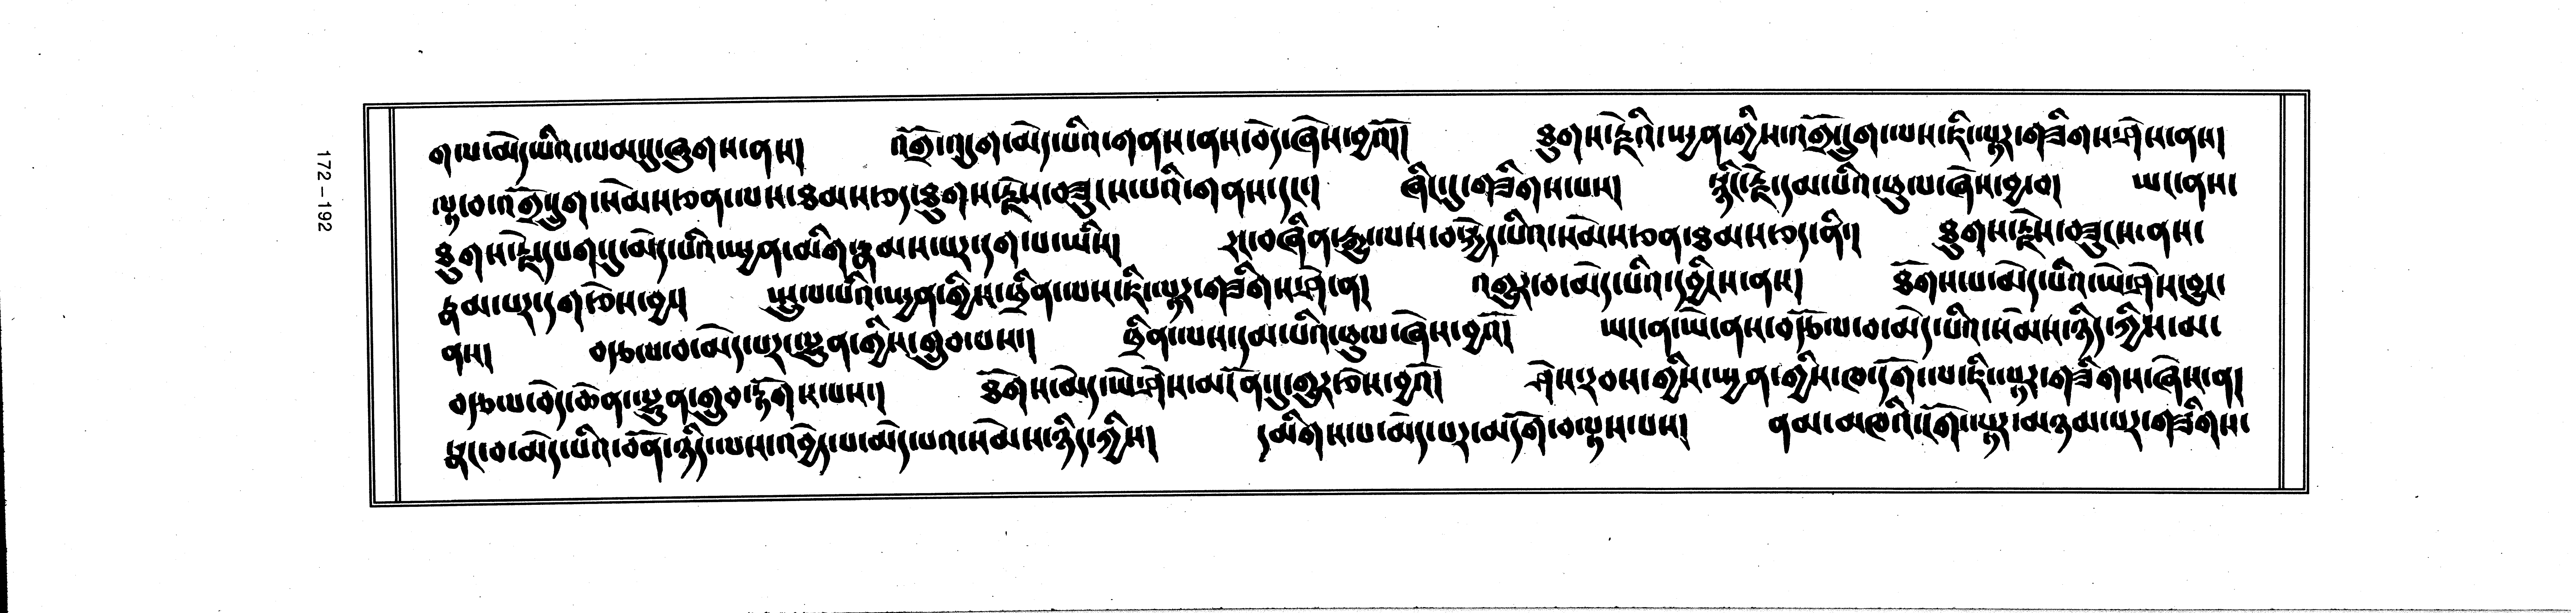གལ་མེད་པའི་ལམ་དུ་ཞུགས་ནས། འགྲོ་འདུག་མེད་པའི་གནས་ནས་བདེ་ཞེས་བྱའོ། ཐུགས་རྗེའི་སྤྱན་གྱིས་འགྲོ་དྲུག་ལས་ཇི་ལྟར་གཟིགས་ཤེས་ནས། 
ལྟ་བ་འགྲོ་དྲུག་སེམས་ཅན་ལས་ཐམས་ཅད་ཐུགས་རྗེས་གཟུངས་པའི་གནས་དང་། ཞིང་དུ་གཟིགས་པས། སྙིང་རྗེ་དམ་པའི་ཕུལ་ཞེས་བྱ་བ། ཡང་ནས་
ཐུགས་རྗེ་དཔག་དུ་མེད་པའི་སྤྱན་མིག་རྣམ་པར་དག་པ་ཡིས། རང་བཞིན་རྒྱུ་ལས་བསྐྱེད་པའི་སེམས་ཅན་ཐམས་ཅད་ནི། ཐུགས་རྗེས་བཟུངས་ནས་
རྣམ་པར་དག་ཅེས་བྱ། སྤྲུལ་པའི་སྤྱན་གྱིས་ཕྲིན་ལས་ཇི་ལྟར་གཟིགས་ཤེ་ན། འགྱུར་བ་མེད་པའི་དབྱིངས་ནས། ཐོགས་པ་མེད་པའི་ཡེ་ཤེས་བྱུང་
ནས། བརྩལ་བ་མེད་པར་ལྷན་གྱིས་གྲུབ་པས། ཕྲིན་ལས་དམ་པའི་ཕུལ་ཞེས་བྱའོ། ཡང་ན་ཡེ་ནས་བརྩོལ་བ་མེད་པའི་སེམས་ཉིད་ཀྱིས་མ་
བརྩལ་བདེ་ཆེན་ལྷུན་གྲུབ་རྟོགས་པས། ཐོགས་མེད་ཡེ་ཤེས་མངོན་དུ་གྱུར་ཅེས་བྱའོ། ཤེས་རབ་གྱིས་སྤྱན་གྱིས་ཁ་དོག་ལ་ཇི་ལྟར་གཟིགས་ཞེས་ན། 
སྣང་བ་མེད་པའི་བོན་ཉིད་ལས་འབྱེད་པ་མེད་པའ་སེམས་ཉིད་ཀྱིས། དམིགས་པ་མེད་པར་མདོག་བལྟས་པས། ནམ་མཁའི་ངོག་ལྟར་མཉམ་པར་གཟིགས་